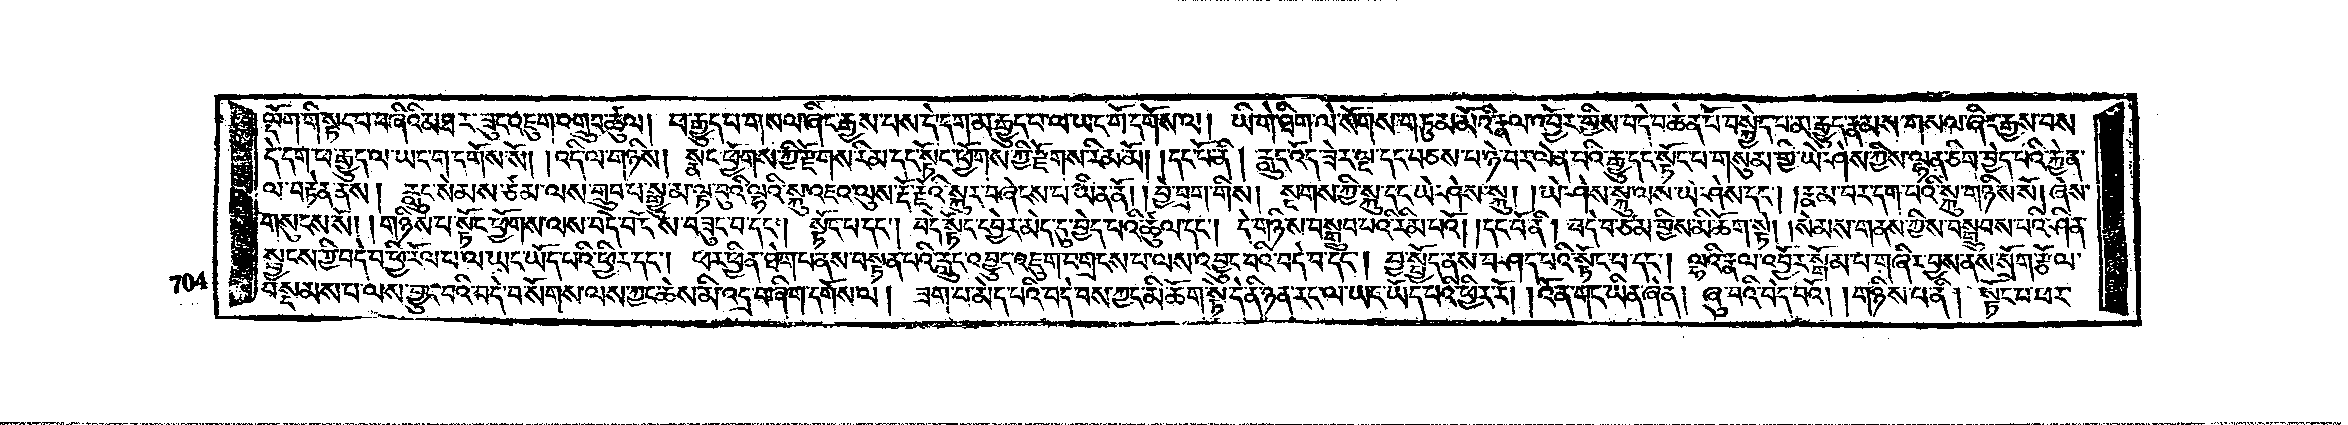ལྡོག་གི་སྟོང་པ་བཞིའི་མཐར་ཟུང་འཇུག་འགྲུབ་ཚུལ། ཕ་རྒྱུད་པ་གསལ་ཞིང་རྒྱས་པས་དེ་དག་མ་རྒྱུད་པ་ལ་ཡང་གོ་དགོས་ལ། ཡི་གེ་ཐིག་ལེ་སོགས་གཏུམ་མོའི་རྣལ་འབྱོར་གྱིས་བདེ་བ་ཆེན་པོ་བསྐྱེད་པ་མ་རྒྱུད་རྣམས་གསལ་ཞིང་རྒྱས་བས་
དེ་དག་ཕ་རྒྱུད་ལ་ཡང་ག་དགོས་སོ། །འདི་ལ་གཉིས། སྣང་ཕྱོགས་ཀྱི་རྫོགས་རིམ་དང་སྟོང་ཕྱོགས་ཀྱི་རྫོགས་རིམ་མོ། །དང་པོ་ནི། རླུང་འོད་ཟེར་ལྔ་དང་བཅས་པ་ཉེ་བར་ལེན་པའི་རྒྱུ་དང་སྟོང་པ་གསུམ་གྱི་ཡེ་ཤེས་ཀྱིས་ལྷན་ཅིག་བྱེད་པའི་རྐྱེན་
ལ་བརྟེན་ནས། རླུང་སེམས་ཙམ་ལས་གྲུབ་པ་སྒྱུ་མ་ལྟ་བུའི་ལྷའི་སྐུ་འཇའ་ལུས་རྡོ་རྗེ་སྐུར་བཞེངས་པ་ཡིན་ནོ། །བྱེ་བྲག་གིས། སྔགས་ཀྱི་སྐུ་དང་ཡེ་ཤེས་སྐུ། །ཡེ་ཤེས་སྐུ་ལས་ཡེ་ཤེས་དང་། རྣམ་པར་དག་པའི་སྐུ་གཉིས་སོ། ཞེས་
གསུངས་སོ། །གཉིས་པ་སྟོང་ཕྱོགས་ལས་བདེ་བ་ངོས་བཟུང་བ་དང་། སྟོང་པ་དང་། བདེ་སྟོང་དབྱེར་མེད་དུ་བྱེད་པའི་ཚུལ་དང་། དེ་གཉིས་བསྒྲུབ་པའི་རིམ་པའོ། །དང་པོ་ནི། བདེ་བ་ཙམ་གྱིས་མི་ཆོག་སྟེ། སེམས་གནས་ཀྱིས་བསྒྲུབས་པའི་ཤིན་
སྦྱངས་ཀྱི་བདེ་བ་ཕྱི་རོལ་པ་ལ་ཡང་ཡོད་པའི་ཕྱིར་དང་། ཕར་ཕྱིན་ཐེག་པ་ནས་བསྟན་པའི་རླུང་འབྱུང་འཇུག་བགྲངས་པ་ལས་འབྱུང་བའི་བདེ་བ་དང་། བྱ་སྤྱོད་ནས་བཤད་པའི་སྟོང་པ་དང་། ལྷའི་རྣལ་འབྱོར་སྒོམ་པ་གཞིར་བྱས་ནས་སྲོག་རྩོལ་
བསྡམས་པ་ལས་བྱུང་བའི་བདེ་བ་སོགས་ལས་ཀྱང་ཆེས་མི་འདྲ་བ་ཨེཞིག་དགོས་ལ། ཟག་པ་མེད་པའི་བདེ་བས་ཀྱང་མི་ཆོག་སྟེ་དེ་ནི་ཉན་རང་ལ་ཡང་ཡོད་པའི་ཕྱིར་རོ། །འོ་ན་གང་ཡིན་ཞེན། ཞུ་བའི་བདེ་བའོ། །གཉིས་པ་ནི། སྟོང་པ་ཕར་